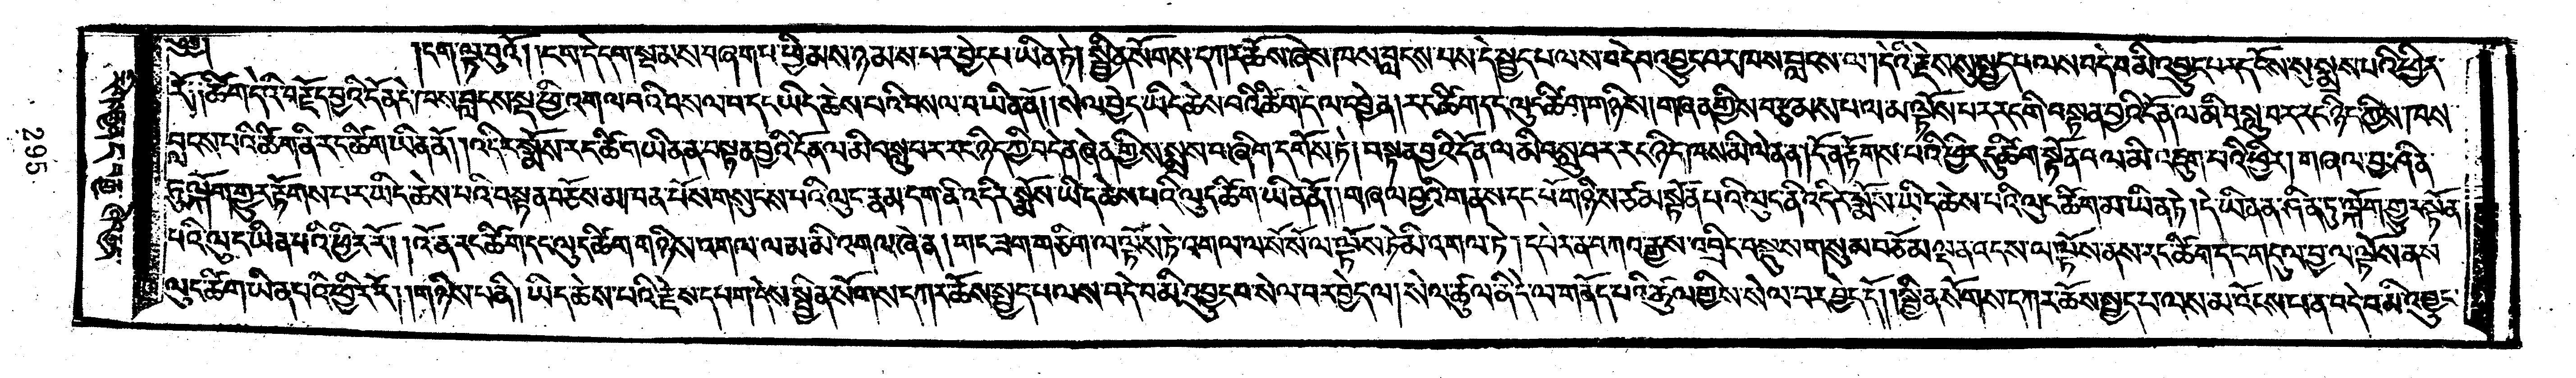༄༅། །ངག་ལྟ་བུའོ། །ངག་དེ་དག་སྔ་མས་བཞག་པ་ཕྱི་མས་ཉམས་པར་བྱེད་པ་ཡིན་ཏེ། སྦྱིན་སོགས་དཀར་ཆོས་ཞེས་ཁས་བླངས་པས་དེ་སྤྱད་པ་ལས་བདེ་བ་འབྱུང་བར་ཁས་བླངས་ལ། དེའི་རྗེས་སུ་སྤྱད་པ་ལས་བདེ་བ་མི་འབྱུང་བར་དངོས་སུ་སྨྲས་པའི་ཕྱིར་
རོ༑ ༑ཚིག་དེའི་བརྗོད་བྱའི་དོན་དེ་ཁས་བླངས་སྔ་ཕྱི་འགལ་བའི་བསལ་བ་དང་ཡིད་ཆེས་པའི་བསལ་བ་ཡིན་ནོ། །སེལ་བྱེད་ཡིད་ཆེས་པའི་ཚིག་དེ་ལ་དབྱེ་ན། རང་ཚིག་དང་ལུང་ཚིག་གཉིས། གཞན་གྱིས་བརྩམས་པ་ལ་མ་ལྟོས་པར་རང་གི་བསྟན་བྱའི་དོན་ལ་མི་བསླུ་བར་རང་ཉིད་ཀྱིས་ཁས་
བླངས་པའི་ཚིག་ནི་རང་ཚིག་ཡིན་ནོ། །འདིར་སྨོས་རང་ཚིག་ཡིན་ན་བསྟན་བྱའི་དོན་ལ་མི་བསླུ་བར་རང་ཉིད་ཀྱི་བདེན་ཞེན་གྱིས་སྨྲས་པ་ཞིག་དགོས་ཏེ། བསྟན་བྱའི་དོན་ལ་མི་བསླུ་བར་རང་ཉིད་ཁས་མི་ལེན་ན། དོན་རྟོགས་པའི་ཕྱིར་དུ་ཚིག་སྟོན་པ་ལ་མི་འཇུག་པའི་ཕྱིར། གཞལ་བྱ་ཤིན་
ཏུ་ལྐོག་གྱུར་རྟོགས་པར་ཡིད་ཆེས་པའི་བསྟན་བཅོས་མཁན་པོས་གསུངས་པའི་ལུང་རྣམ་དག་ནི་འདིར་སྨོས་ཡིད་ཆེས་པའི་ལུང་ཚིག་ཡིན་ནོ། །གཞལ་བྱའི་གནས་དང་པོ་གཉིས་ཙམ་སྟེན་པའི་ལུང་ནི་འདིར་སྨོས་ཡིད་ཆེས་པའི་ལུང་ཚིག་མ་ཡིན་ཏེ། དེ་ཡིན་ན་ཤིན་ཏུ་ལྐོག་གྱུར་སྟོན་
པའི་ལུང་ཡིན་པའི་ཕྱིར་རོ། །འོ་ན་རང་ཚིག་དང་ལུང་ཚིག་གཉིས་འགལ་ལམ་མི་འགལ་ཞེ་ན། གང་ཟག་གཅིག་ལ་ལྟོས་ཏེ་འགལ་ལ་སོ་སོ་ལ་ལྟོས་ཏེ་མི་འགལ་ཏེ། དཔེར་ན་བཀའ་རྒྱས་འབྲིང་བསྡུས་གསུམ་བཅོམ་ལྡན་འདས་ལ་ལྟོས་ནས་རང་ཚིག་དང་གདུལ་བྱ་ལ་ལྟོས་ནས་
ལུང་ཚིག་ཡིན་པའི་ཕྱིར་རོ། །གཉིས་པ་ནི། ཡིད་ཆེས་པའི་རྗེས་དཔག་དེས་སྦྱིན་སོགས་དཀར་ཆོས་སྤྱད་པ་ལས་བདེ་བ་མི་འབྱུང་བ་སེལ་བར་བྱེད་ལ། སེལ་ཚུལ་ནི་དེ་ལ་གནོད་པའི་ཚུལ་གྱིས་སེལ་བར་བྱེད་དོ། །སྦྱིན་སོགས་དཀར་ཆོས་སྤྱད་པ་ལས་མ་འོངས་པ་ན་བདེ་བ་མི་འབྱུང་